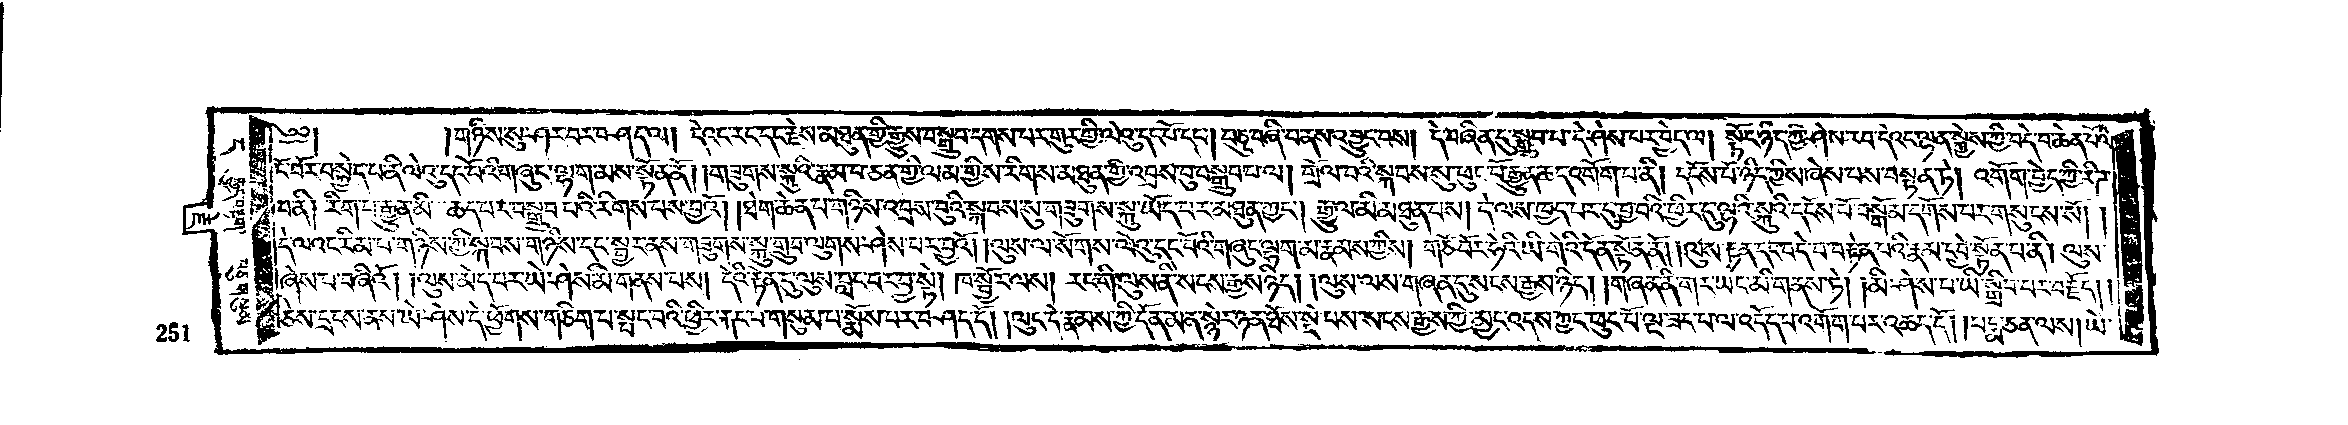༄༅། །གཉིས་སུ་ཤར་བར་བཤད་ལ། དེའང་རང་དང་རྗེས་མཐུན་གྱི་རྒྱུས་བསྒྲུབ་དགོས་པར་གུར་གྱི་ལེའུ་དང་པོ་དང་། བཅུ་བཞི་པ་ནས་འབྱུང་བས། དེ་བཞིན་དུ་སྒྲུབ་པ་དེ་ཤེས་པར་བྱེད་ལ། སྟོང་ཉིད་ཀྱི་ཤེས་རབ་དེའང་ལྷན་སྐྱེས་ཀྱི་བདེ་བ་ཆེན་པོའི་
ངོ་བོར་བསྐྱེད་པ་ནི་ལེའུ་དང་པོའི་གཞུང་ལྷག་མས་སྟོན་ནོ། །གཟུགས་སྐུའི་རྣམ་པ་ཅན་གྱི་ལམ་གྱིས་རིགས་མཐུན་གྱི་འབྲས་བུ་བསྒྲུབ་པ་ལ། གྲོལ་བའི་སྐབས་སུ་ཕུང་པོ་རྒྱུན་ཆད་འགོག་པ་ནི། དངོས་པོ་ཉིད་ཀྱིས་ཞེས་པས་བསྟན་ཏེ། འགོག་བྱེད་ཀྱི་རིགས་
པ་ནི། རིག་པ་རྒྱུན་མི་ཆད་པར་བསྒྲུབ་པའི་རིགས་པས་བྱའོ། །ཐེག་ཆེན་པ་གཉིས་འབྲས་བུའི་སྐབས་སུ་གཟུགས་སྐུ་ཡོད་པར་མཐུན་ཀྱང་། རྒྱུ་ལ་མི་མཐུན་པས། དེ་ལས་ཁྱད་པར་དུ་བྱ་བའི་ཕྱིར་དུ་ལྷའི་སྐུའི་དངོས་པོ་བསྒོམ་དགོས་པར་གསུངས་སོ། །
དེ་ལའང་རིམ་པ་གཉིས་ཀྱི་སྐབས་གཉིས་དང་སྦྱར་ནས་གཟུགས་སྐུ་གྲུབ་ལུགས་ཤེས་པར་བྱའོ། །ལུས་ལ་སོགས་ལེའུ་དང་པོའི་གཞུང་ལྷག་མ་རྣམས་ཀྱིས། གཙོ་བོར་ཧེའི་ཡི་གེའི་དོན་སྟོན་ནོ། །ལུས་རྟན་དང་བདེ་བ་བརྟེན་པའི་རྣམ་དབྱེ་སྟོན་པ་ནི། ལུས་
ཞེས་པ་བཞིའོ། །ལུས་མེད་པར་ཡེ་ཤེས་མི་གནས་པས། དེའི་རྟེན་དུ་ལུས་བླང་བར་བྱ་སྟེ། ཁ་སྦྱོར་ལས། རང་གི་ལུས་ནི་སངས་རྒྱས་ཉིད། །ལུས་ལས་གཞན་དུ་སངས་རྒྱས་ཉིད། །གཞན་ནི་གར་ཡང་མི་གནས་ཏེ། །མི་ཤེས་པ་ཡི་སྒྲིབ་པར་བརྗོད། །
ཅེས་དྲངས་ནས་ཡེ་ཤེས་དེ་ཕྱོགས་གཅིག་པ་སྤང་བའི་ཕྱིར་རྐང་པ་གསུམ་པ་སྨོས་པར་བཤད་དོ། །ལུང་དེ་རྣམས་ཀྱི་དོན་མན་སྙེར་ཉན་ཐོས་སྡེ་པས་སངས་རྒྱས་ཀྱི་མྱང་འདས་ཀྱང་ཕུང་པོ་ལྔ་ཟད་པ་ལ་འདོད་པ་འགོག་པར་འཆད་དོ། །པདམ་ཅན་ལས། ཡེ་